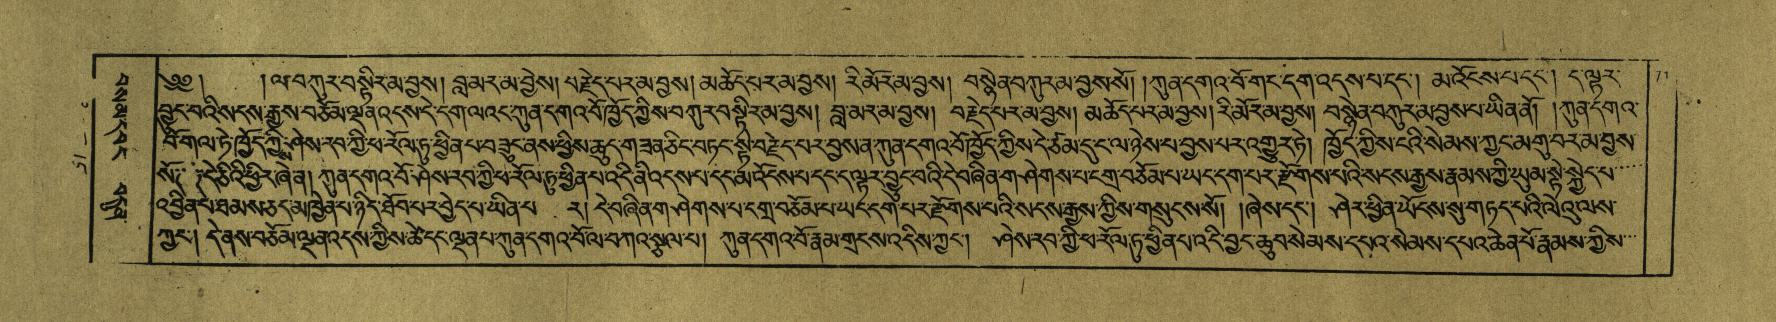༄༅། །ལ་བཀུར་བསྟིར་མ་བྱས། བླ་མར་མ་བྱེས། བརྗེད་པར་མ་བྱས། མཆོད་པར་མ་བྱས། རི་མོར་མ་བྱས། བསྙེན་བཀུར་མ་བྱས་སོ། །ཀུན་དགའ་བོ་གང་དག་འདས་པ་དང་། མ་འོངས་པ་དང་། ད་ལྟར་
བྱུང་བའི་སངས་རྒྱས་བཅོམ་ལྡན་འདས་དེ་དག་ལའང་ཀུན་དགའ་བོ་ཁྱོད་ཀྱིས་བཀུར་བསྟིར་མ་བྱས། བླ་མར་མ་བྱས། བརྗེད་པར་མ་བྱས། མཆོད་པར་མ་བྱས། རི་མོར་མ་བྱས། བསྙེན་བཀུར་མ་བྱས་པ་ཡིན་ནོ། །ཀུན་དགའ་
བོ་གལ་ཏེ་ཁྱོད་ཀྱིས་ཤེས་རབ་ཀྱི་ཕ་རོལ་ཏུ་ཕྱིན་པ་བཟུང་ནས་ཕྱིས་ཆུད་གཟན་ཅིང་བཏང་སྟེ་བརྗེད་པར་བྱས་ན་ཀུན་དགའ་བོ་ཁྱོད་ཀྱིས་དེ་ཙམ་དུ་ང་ལ་ཉེས་པ་བྱས་པར་འགྱུར་ཏེ། ཁྱོད་ཀྱིས་ངའི་སེམས་ཀྱང་མགུ་བར་མ་བྱས་
སོ༑ ༑དེ་ཅིའི་ཕྱིར་ཞེ་ན། ཀུན་དགའ་བོ་ཤེས་རབ་ཀྱི་ཕ་རོལ་ཏུ་ཕྱིན་པ་འདི་ནི་འདས་པ་དང་མ་འོངས་པ་དང་ད་ལྟར་བྱུང་བའི་དེ་བཞིན་གཤེགས་པ་དགྲ་བཅོམ་པ་ཡང་དག་པར་རྫོགས་པའི་སངས་རྒྱས་རྣམས་ཀྱི་ཡུམ་སྟེ་སྐྱེད་པ་
འབྱིན་པ་ཐམས་ཅད་མཁྱེན་པ་ཉིད་ཐོབ་པར་བྱེད་པ་ཡིན་པར། དེ་བཞིན་གཤེགས་པ་དགྲ་བཅོམ་པ་ཡང་དག་པར་རྫོགས་པའི་སངས་རྒྱས་ཀྱིས་གསུངས་སོ། །ཞེས་དང་། ཤེར་ཕྱིན་ཡོངས་སུ་གཏད་པའི་ལེའུ་ལས་
ཀྱང་། དེ་ནས་བཅོམ་ལྡན་འདས་ཀྱིས་ཚེ་དང་ལྡན་པ་ཀུན་དགའ་བོ་ལ་བཀའ་སྩལ་པ། ཀུན་དགའ་བོ་རྣམས་གྲངས་འདིས་ཀྱང་། ཤེས་རབ་ཀྱི་ཕ་རོལ་ཏུ་ཕྱིན་པ་འདི་བྱང་ཆུབ་སེམས་དཔའ་སེམས་དཔའ་ཆེན་པོ་རྣམས་ཀྱིས་